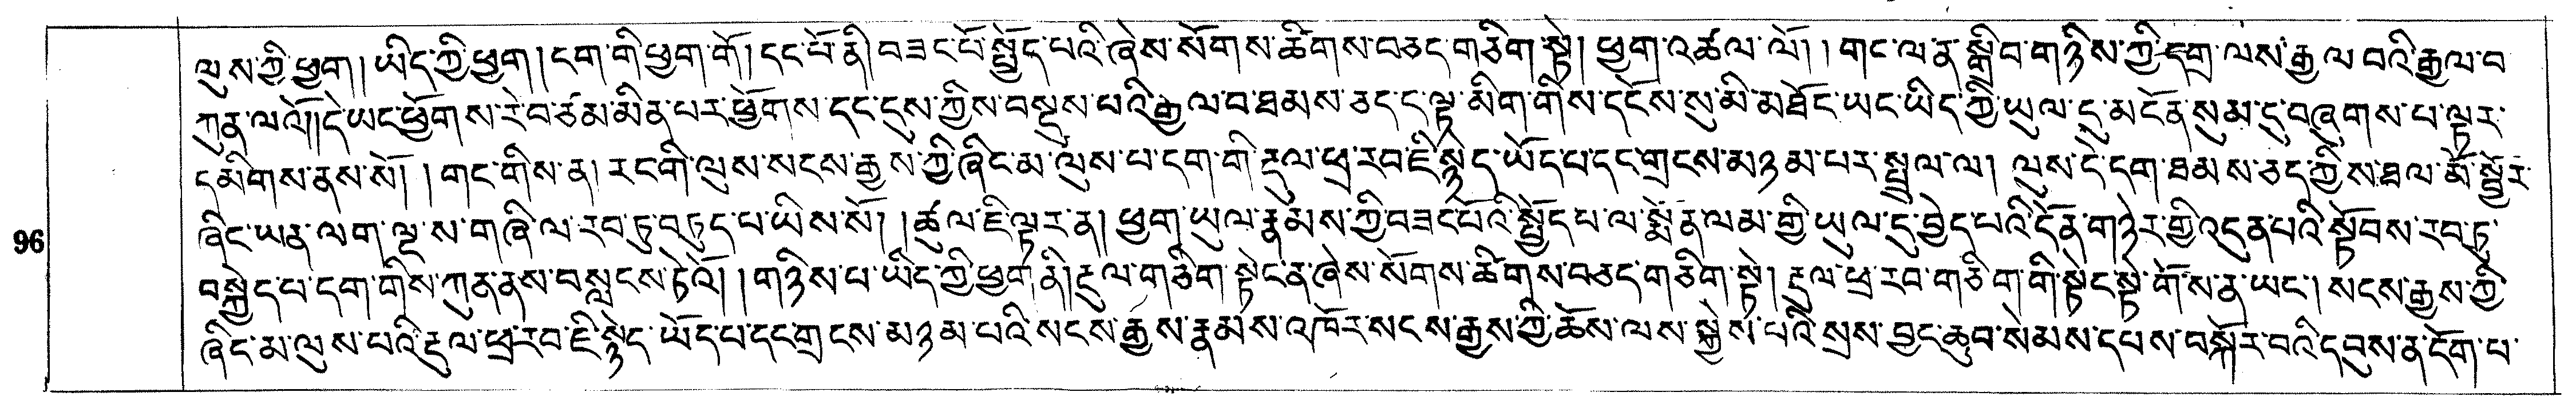ལུས་ཀྱི་ཕྱག །ཡིད་ཀྱི་ཕྱག །ངག་གི་ཕྱག་གོ །དང་པོ་ནི། བཟང་པོ་སྤྱོད་པའི་ཞེས་སོགས་ཚིགས་བཅད་གཅིག་སྟེ། ཕྱག་འཚལ་ལོ། །གང་ལན་སྒྲིབ་གཉིས་ཀྱི་དགྲ་ལས་རྒྱལ་བའི་རྒྱལ་བ་
ཀུན་ལའོ། །དེ་ཡང་ཕྱོགས་རེ་བ་ཙམ་མིན་པར་ཕྱོགས་དང་དུས་ཀྱིས་བསྡུས་པའི་རྒྱལ་བ་ཐམས་ཅད་ད་ལྟ་མིག་གིས་དངོས་སུ་མི་མཐོང་ཡང་ཡིད་ཀྱི་ཡུལ་དུ་མངོན་སུམ་དུ་བཞུགས་པ་ལྟར་
དམིགས་ནས་སོ། །གང་གིས་ན། རང་གི་ལུས་སངས་རྒྱས་ཀྱི་ཞིང་མ་ལུས་པ་དག་གི་རྡུལ་ཕྲ་རབ་ཇི་སྙེད་ཡོད་པ་དང་གྲངས་མཉམ་པར་སྤྲུལ་ལ། ལུས་དེ་དག་ཐམས་ཅད་ཀྱི་ཐལ་མོ་སྦྱོར་
ཞིང་ཡན་ལག་ལྔ་ས་གཞི་ལ་རབ་ཏུ་བཏུད་པ་ཡིས་སོ། །ཚུལ་ཇི་ལྟར་ན། ཕྱག་ཡུལ་རྣམས་ཀྱི་བཟང་པོའི་སྤྱོད་པ་ལ་སྨོན་ལམ་གྱི་ཡུལ་དུ་བྱེད་པའི་དོན་གཉེར་གྱི་འདུན་པའི་སྟོབས་རབ་ཏུ་
བསྐྱེད་པ་དག་གིས་ཀུན་ནས་བསླངས་ཏེའོ། །གཉིས་པ་ཡིད་ཀྱི་ཕྱག་ནི། རྡུལ་གཅིག་སྟེང་ན་ཞེས་སོགས་ཚིགས་བཅད་གཅིག་སྟེ། རྡུལ་ཕྲ་རབ་གཅིག་གི་སྟེང་སྟེ་གོ་ས་ན་ཡང་། སངས་རྒྱས་ཀྱི་
ཞིང་མ་ལུས་པའི་རྡུལ་ཕྲ་རབ་ཇི་སྙེད་ཡོད་པ་དང་གྲངས་མཉམ་པའི་སངས་རྒྱས་རྣམས་འཁོར་སངས་རྒྱས་ཀྱི་ཆོས་ལས་སྐྱེས་པའི་སྲས་བྱང་ཆུབ་སེམས་དཔས་བསྐོར་བའི་དབུས་ན་དོག་པ་